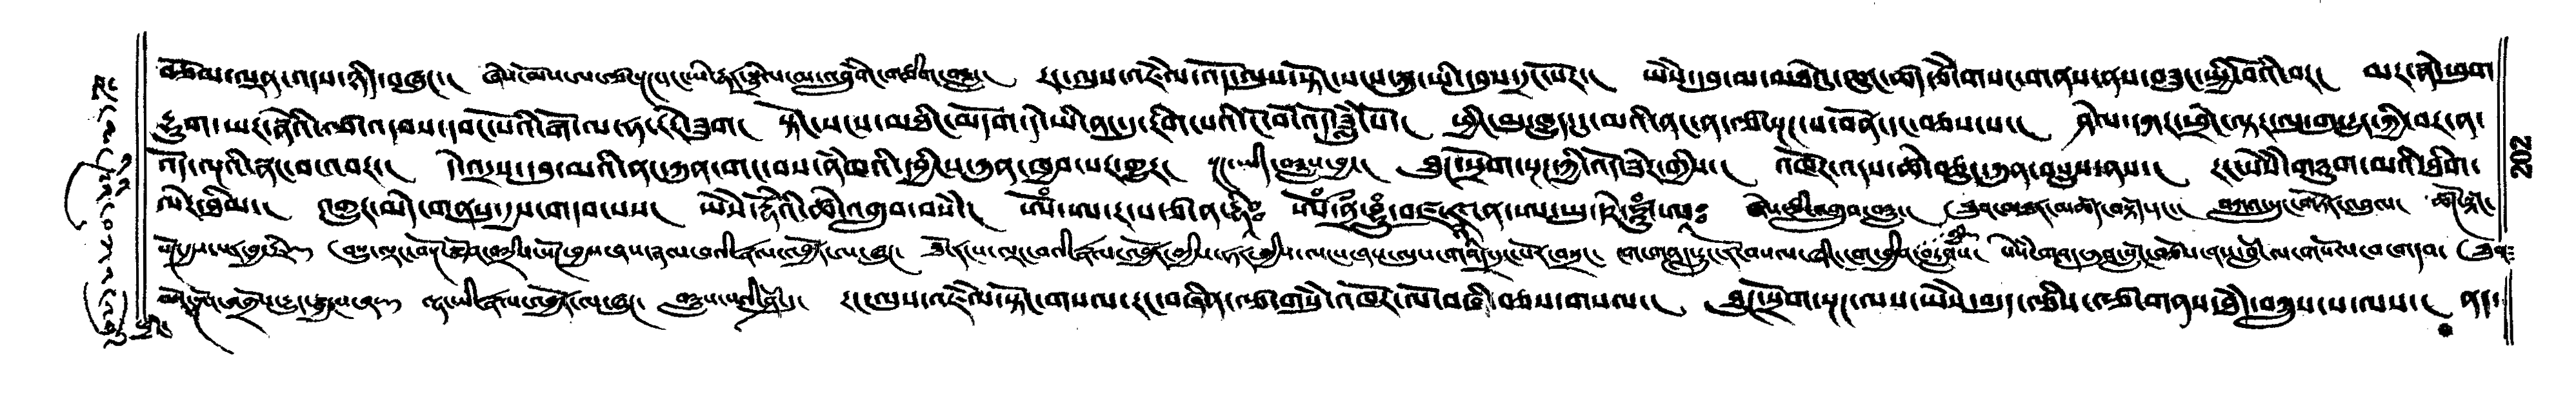བཅོམ་ལྡན་འདས་ཉིད་བཞུགས། ཞེས་མོས་ལ་རྩ་སྔགས་དང་ཡེ་དྷར་སྦྲེལ་མ་འབུམ་ཕྲག་གཅིག་བཟླ། རང་ལུས་འཇམ་དཔལ་འོད་ལུས་སྟོང་སངས་སྐུ་ཡི་དབུས་དྲང་པོར། །ཡེ་ཤེས་དབུ་མ་མཐེའུ་ཆུང་ཚད་ཙམ་གསང་གནས་ནས་བཟུང་སྤྱི་བོའི་བར། །མར་སྣེ་ཕུག་
རྡུགས་ཡར་སྣེའི་རྩ་འདབས་དབང་པོའི་སྒོ་ལ་ཧ་རེར་ཟུག།སྟོང་སངས་མཐིང་མདོག་དེ་ཡི་ནང་དུ་རིག་པའི་ངོ་བོ་འོད་ཟླུམ་པོ། །ཕྱི་ནང་མུ་ཁྱུད་དུ་མའི་ནང་ན་རྩ་སྔགས་ས་བོན་དང་བཅས་པ། །ཤེལ་དཀར་ཕྲེང་ལྟར་ལུ་གུ་རྒྱུད་ཀྱི་བར་ན་
འོད་ལྔའི་སྣང་བ་འབར། །དེ་འདྲས་དབུ་མའི་ནང་ཀུན་གང་བས་ནམ་ཁའི་དབྱིངས་ཀུན་ཁྱབ་པར་རྒྱུར། སྔགས་ཡིད་བཟླས་བྱ། ཐུགས་སྲོག་སྔགས་ཀྱི་འོད་ཟེར་གྱིས། །འཁོར་འདས་ཚེ་བཅུད་ཀུན་བསྡུས་ནས། །རང་སེམས་གཉུག་མའི་ཐིག་
ལེར་ཐིམ། །འགྱུར་མེད་གནས་སུ་རྒྱས་གདབ་པས། །ཡེ་ཤེས་རྡོ་རྗེའི་ཚེ་འགྲུབ་བསམ། ཨོཾ་ཨ་ར་པ་ཙ་ན་དྷཱིཿ ཨོཾ་ནྲྀ་བྷྲུཾ་བཛྲ་ཛྙ་ན་ཨ་ཨུ་རེ་ཧཱུྃ་ཨཱཿ ཞེས་ཅི་འགྲུབ་བཟླ། ཐུན་མཐར་མཆོད་བསྟོད་དང་། བཀའ་སྲུང་གཏོར་འབུལ། ཚོགས་སྐོང་
སོགས་རྒྱས་པར་བྱ་རྗེས། བསྡུ་སྡང་བསྔོ་སྨོན་བཀྲ་ཤིས་སོགས་བྱས་ནས་ཉལ་བའི་རྣལ་འབྱོར་ལ་ཞུགས། ཐོ་རངས་ལྡང་བའི་རྣལ་འབྱོར་གྱིས་ཧར་གྱིས་ལངས་ནས་ལུས་གནད་དྲང་པོར་བསྲང། ངག་གནད་རླུང་རོ་བསལ་ཞིང་ངག་བྱིན་གྱིས་བརླབས། སེམས་གནད་ཀུན་སློང་བཅོས་ནས་བླ་མ་གསོལ་བ་གདབ། ཐུན་
མོང་སྔོན་བགྲོས་རྒྱུད་སྦྱངས་ནས། ལྷ་ཡི་རྣལ་འབྱོར་ལ་ཞུགས། བཟླས་པའི་ཤམ་དུ། རང་ལུས་འཇམ་དཔལ་སྟོང་གསལ་རང་བཞིན་རྩ་བསུམ་འཁོར་ལོ་བཞི་བཅས་གསལ། །ཐུགས་སྲོག་སྔགས་ལས་ཡེ་ཤེས་བདུད་རྩིས་རྩ་གནས་ཐམས་ཅད་བཀྲུས་པ་ལས། །ནད་